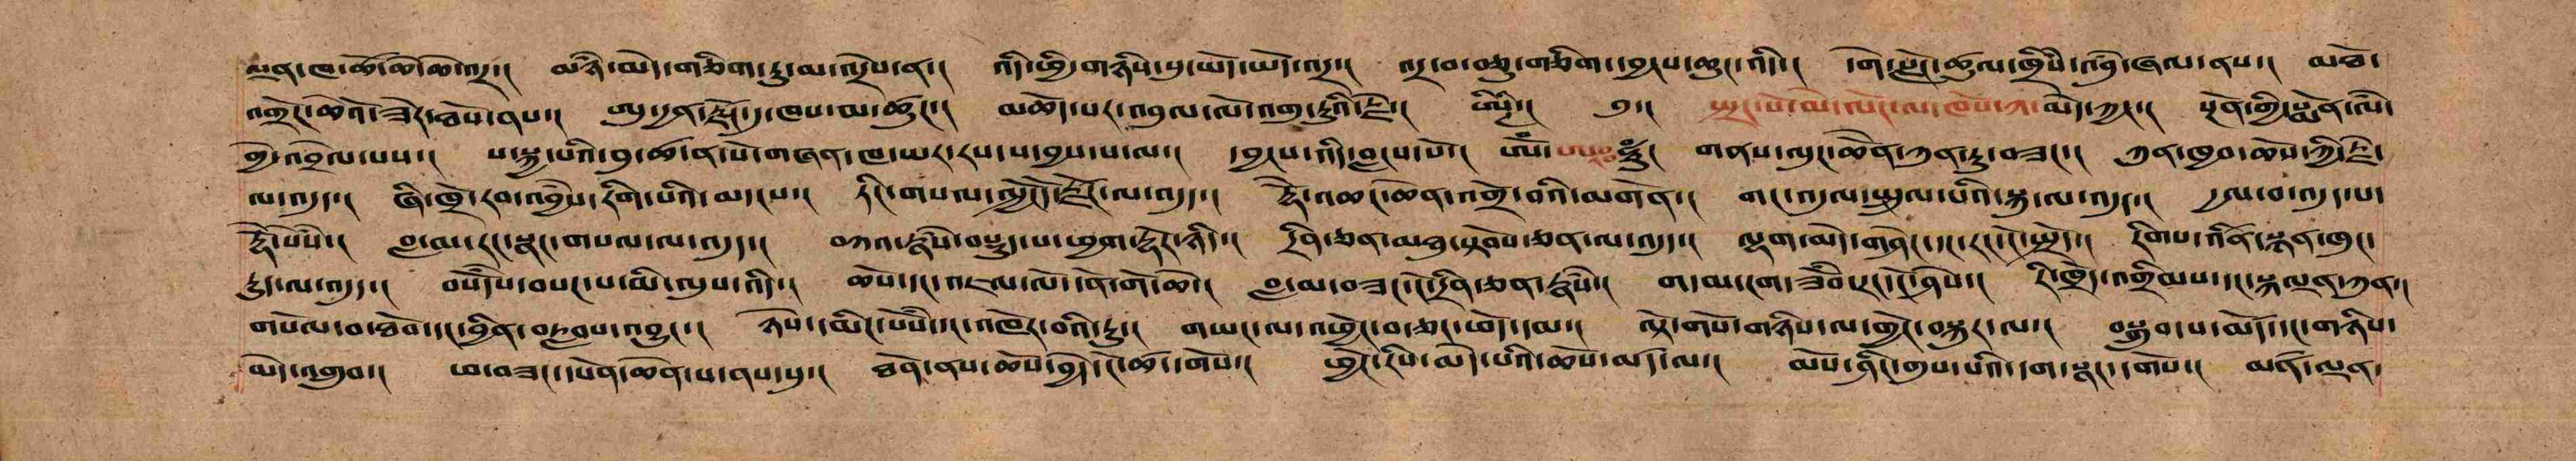ལྡན་ཁ་ཚོ་ཆེ་ཆེ་འདྲ།། མཉམ་མེད་གཅིག་ཏུ་མ་འདྲེས་ན།། འདི་ཕྱི་གཉིས་སུ་ཡོད་ཡོད་འདྲ།། འདྲ་བ་བཅུ་གཉིས་དབྱངས་ཆུང་འདི།། དགེ་སློང་ཚུལ་ཁྲིམས་འབུལ་ཞལ་ནས།། མཐོ་
འགྲོགས་ཆེའོ་ཟེར་ཐོས་ནས།། ཨུ་རྒྱན་རྫོང་དུ་ཁས་མ་ཚུགས།། མཆོད་པར་འབུལ་ལོ་འགུ་རུའི་རྗེ།། ཨིཊི།། ༄་། སྤྲང་པོ་མེ་ལོང་ལ་ཁོས་ཀ་མེད་ཀྱང་།། སྔོན་གྱི་སྨོན་ལམ་
གྱི་འབྲེལ་བས།། ས་སྐྱ་པའི་བུ་ཞཚ་ན་སོ་གཞན་ཁ་ཡར་རས་པ་བྱས་པ་ལ།། དབྱངས་འདི་བླངས་སོ།། ཨོཾ་ཨཱཿཧཱུཾ། གནས་ལུགས་ཆེན་པོ་ཀུན་ཏུ་བཟང་།། ཀུན་ཁྱབ་ཆོས་ཀྱི་རྗེ་
ལ་འདུད།། ཞི་ཁྲོ་རབ་འབྱམས་རིག་པའི་མདངས།། ཏིང་གསལ་ལོངས་སྤྱོད་རྫོགས་ལ་འདུད།། རྡོ་རྗེ་འཆང་ཆེན་འགྲོ་བའི་མགོན།། གང་འདུལ་སྤྲུལ་པའི་སྐུ་ལ་འདུད།། རྒྱལ་བ་འདུད་པ་
རྒྱུད་ལ་འདུད།། བསོད་ནམས་བསགས་པ་མི་ལུས་འདི།། ཆོས་དང་འཇལ་ལོ་དོན་གོ་ཆེ།། བླ་མ་བཟང་ངོ་དྲིན་ཅན་རྣམས།། གདམས་དང་ཟབ་མོ་རང་ངོ་སྤྲོད།། རིགས་འཛིན་སྙན་ཁུང་
རྒྱུད་ལ་འདུད།། བསོད་ནམས་བསགས་པ་མི་ལུས་འདི།། ཆོས་དང་འཇལ་ལོ་དོན་གོ་ཆེ།། བླ་མ་བཟང་ངོ་དྲིན་ཅན་རྣམས།། གདམས་ངག་ཟབ་མོ་རང་ངོ་ཤེས།། རི་ཁྲོད་འགྲིམས་དང་སྐལ་ལྡན་ཀུན།། 
གསོལ་བ་ཐོབ་དང་བྱིན་བརླབས་འབྱུང་།། ཉེས་དམིགས་སེམས་དང་འཁོར་བའི་རྒྱུ།། གཡང་ལ་འཕྱོང་བ་ཅང་ཕོད་དམ།། ལྟོ་གོས་གཉིས་ལ་གྱོང་བསྐུར་ལ།། བསྒྲུབ་པ་མཛོད་དང་གཉིས་
མེད་འགྲུབ།། ཕ་བཟང་དཔོན་ཆེན་ས་གནས་སུ།། ཐོན་ནས་ཆོས་བྱེད་ངོ་ཚ་གོས།། ཕྱོགས་རིས་མེད་པའི་ཆོས་མཛད་ལ།། མོས་ཤིང་གུས་པའི་དག་སྣང་དགོས།། མཚན་ལྡན་